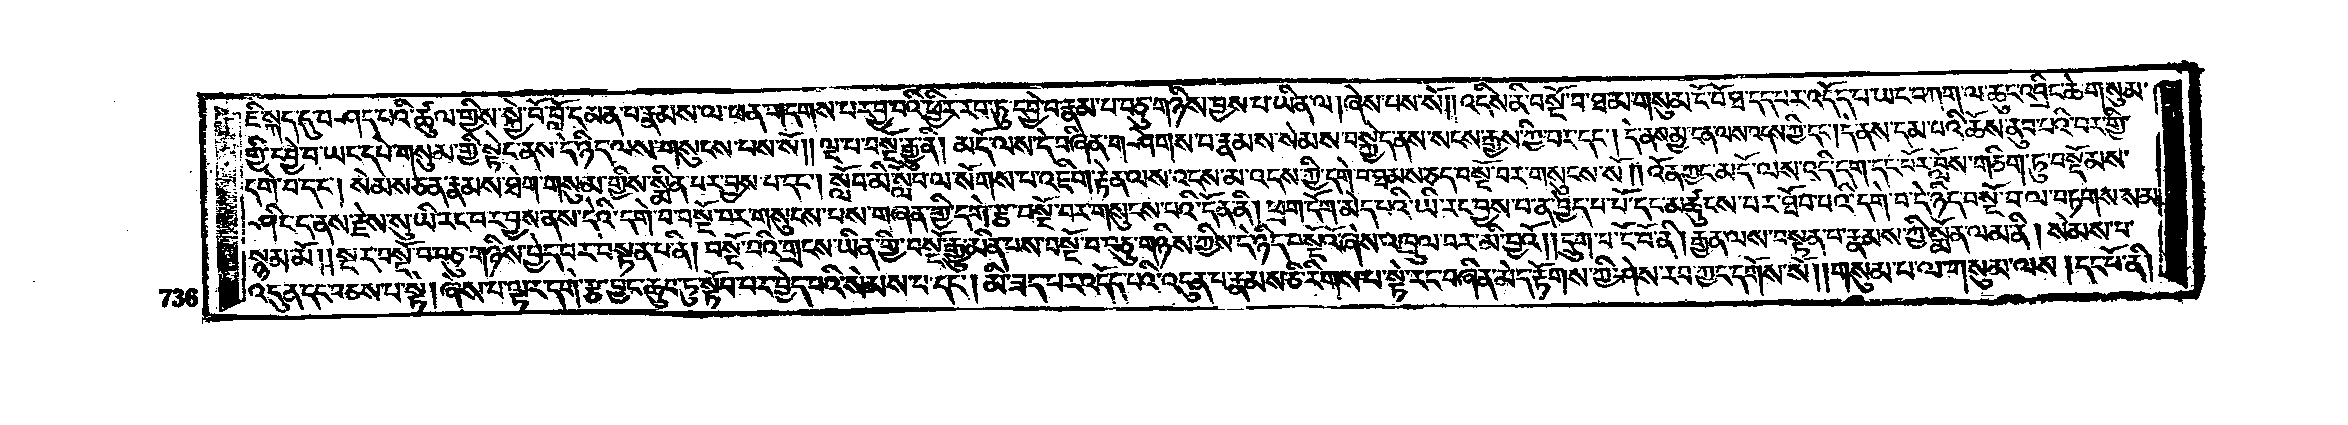ཇི་སྐད་དུ་བཤད་པའི་ཚུལ་གྱིས་སྐྱེ་བོ་བློ་དམན་པ་རྣམས་ལ་ཕན་གདགས་པར་བྱ་བའི་ཕྱིར་རབ་ཏུ་དབྱེ་བ་རྣམ་པ་བཅུ་གཉིས་བྱས་པ་ཡིན་ལ། ཞེས་པས་སོ། །འདིས་ནི་བསྔོ་བ་ཐ་མ་གསུམ་ངོ་བོ་ཐ་དད་པར་འདོད་པ་ཡང་བཀག་ལ་ཆུང་འབྲིང་ཆེ་གསུམ་
གྱི་དབྱེ་བ་ཡང་དཔེ་གསུམ་གྱི་སྟེང་ནས་དེ་ཉིད་ལས་གསུངས་པས་སོ། །ལྔ་པ་བསྔོ་རྒྱུ་ནི། མདོ་ལས་དེ་བཞིན་གཤེགས་པ་རྣམས་སེམས་བསྐྱེད་ནས་སངས་རྒྱས་ཀྱི་བར་དང་། དེ་ནས་མྱ་ངན་ལས་འདས་ཀྱི་དང་། དེ་ནས་དམ་པའི་ཆོས་ནུབ་པའི་བར་གྱི་
དགེ་བ་དང་། སེམས་ཅན་རྣམས་ཐེག་གསུམ་གྱིས་སྨིན་པར་བྱས་པ་དང་། སློབ་མི་སློབ་ལ་སོགས་པ་འཇིག་རྟེན་ལས་འདས་མ་འདས་ཀྱི་དགེ་བ་ཐམས་ཅད་བསྔོ་བར་གསུངས་སོ། །འོན་ཀྱང་མདོ་ལས་འདི་དག་དང་པོར་བློས་གཅིག་ཏུ་བསྡོམས་
ཤིང་དེ་ནས་རྗེས་སུ་ཡི་རང་བར་བྱས་ནས་དེའི་དགེ་བ་བསྔོ་བར་གསུངས་པས་གཞན་གྱི་དགེ་རྩ་བསྔོ་བར་གསུངས་པའི་དོན་ནི། ཕྲག་དོག་མེད་པའི་ཡི་རང་བྱས་པ་ན་བྱེད་པ་པོ་དང་མཚུངས་པར་ཐོབ་པའི་དགེ་བ་དེ་ཉིད་བསྔོ་བ་ལ་བཏགས་སམ་
སྙམ་མོ། །སྔར་བསྔོ་བ་བཅུ་གཉིས་བྱེད་པར་བསྟན་པ་ནི། བསྔོ་བའི་གྲངས་ཡིན་གྱི་བསྔོ་རྒྱུ་མིན་པས་བསྔོ་བ་བཅུ་གཉིས་ཀྱིས་དེ་ཉིད་བསྔོའོ་ཞེས་འཁྲུལ་པར་མི་བྱའོ། །དྲུག་པ་ངོ་བོ་ནི། རྒྱན་ལས་བསྟན་པ་རྣམས་ཀྱི་སྨོན་ལམ་ནི། སེམས་པ་
འདུན་དང་བཅས་པ་སྟེ། ཞེས་པ་ལྟར་དགེ་རྩ་བྱང་ཆུབ་ཏུ་སྟོབ་པར་བྱེད་པའི་སེམས་པ་དང་། མི་ཟད་པར་འདོད་པའི་འདུན་པ་རྣམས་ཅི་རིགས་པ་སྟེ་རང་བཞིན་མེད་རྟོགས་ཀྱི་ཤེས་རབ་ཀྱང་དགོས་སོ། །གསུམ་པ་ལ་གསུམ་ལས། དང་པོ་ནི།